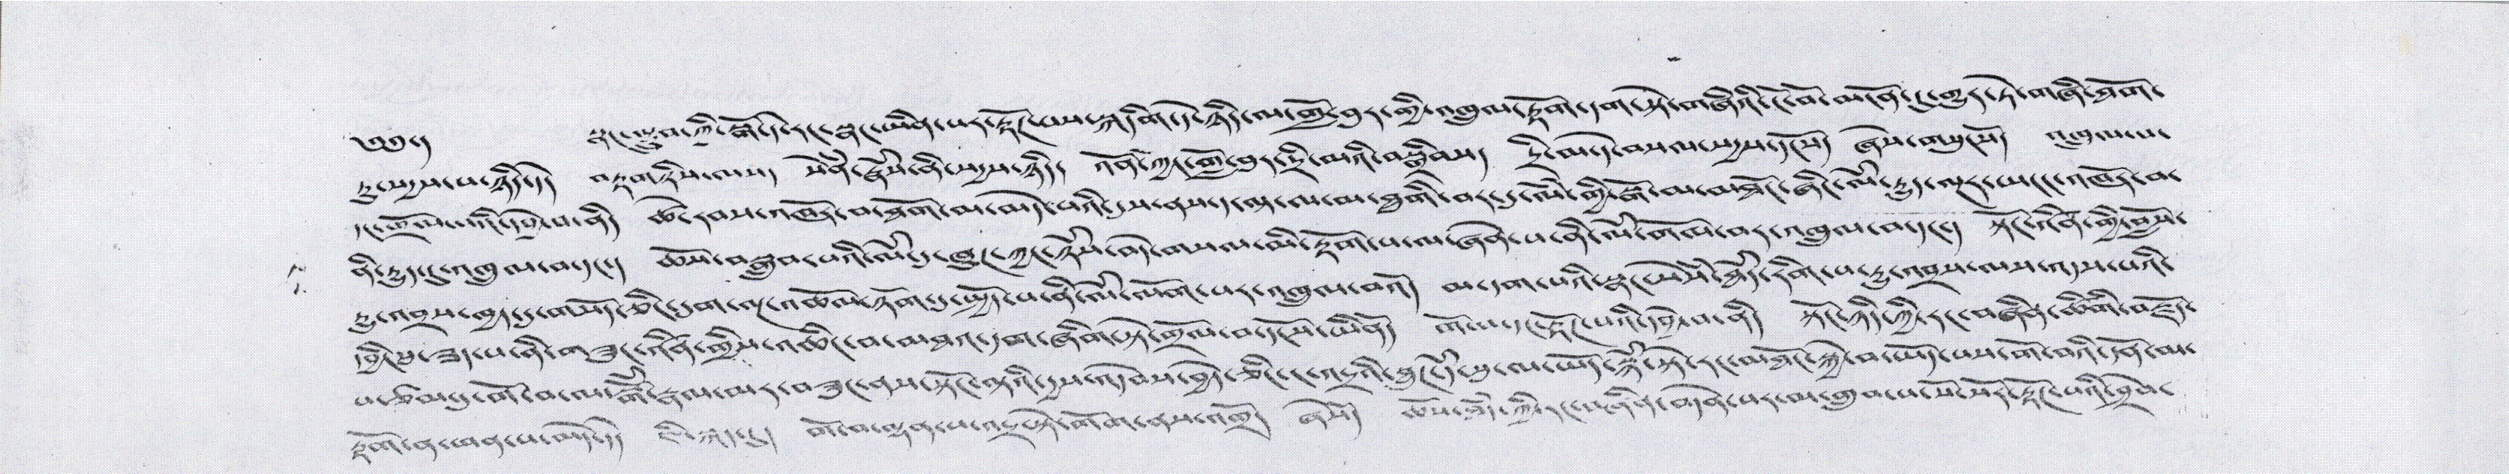སྣང་ལྷུན་གྲུབ་ཀྱི་སྒོ་དེ་རང་སྣང་ཡིན་པར་རྟོགས་པས་སྐད་ཅིག་དེ་ཉིད་ལ་གློ་བུར་གྱི་འཁྲུལ་རྟོག་དག་སྟེ་གཞིའི་ངོ་བོ་མངོན་དུ་གྱུར་ཏེ་གཞི་ཐོག་
ཏུ་སངས་རྒྱས་པ་ཉིད་དེ། བརྟག་གཉིས་ལས། སེམས་ཅན་རྣམས་ནི་སངས་རྒྱས་ཉིད། འོན་ཀྱང་གློ་བུར་དྲི་མའི་བསྒྲིབས། དྲི་མ་དེ་བསལ་སངས་རྒྱས་དངོས། ཞེས་གསུངས་སོ། འཁྲུལ་པ་
དང་གྲོལ་བའི་དབྱེ་བ་ནི། ཚེ་རབས་འཁོར་བ་ཐོག་མ་མེད་པའི་དུས་ནས་ད་ལྟ་ལ་མ་ཐུག་གི་བར་དུ་ལམ་གྱི་སྒོ་མ་མཐོང་ཞིང་ལམ་རྒྱུད་ལྔར་ཡང་ཡང་འཁོར་བ་
ནི་རྒྱུད་དུ་འཁྲུལ་བ་དང། ཆོས་བསྒྲུབ་པའི་ལམ་དུ་ཞུགས་ཀྱང་ཉམས་བདེ་གསལ་མི་རྟོག་པ་ལ་ཞེན་པ་ནི་ལམ་གོལ་བར་འཁྲུལ་བ་དང། སྟོང་འཛིན་གྱི་བློས་
རྒྱུ་འབྲས་ཁྱད་དུ་གསོད་ཅིང་དུག་ལྔ་འཆོལ་ཉོག་ཏུ་སྤྱོད་པ་ནི་ལམ་ལོག་པར་འཁྲུལ་བའོ། མ་དག་པའི་སྣང་སེམས་ཐམས་ཅད་རིག་པ་རྒྱུ་འབྲས་ལས་འདས་པའི་
དབྱིངས་སུ་ཟད་པ་ནི་གཟུང་འཛིན་གྱིས་འཆིང་བ་མཐའ་དག་ཞིག་སྟེ་གྲོལ་བ་དངོས་ཡིན་ནོ། གོལ་དང་རྟོགས་པའི་དབྱེ་བ་ནི། སྟོང་ཉིད་ཀྱི་རང་བཞིན་ཚིག་གི་བརྗོད་
པ་ཙམ་དུ་གོ་བ་ལ་སྒོམ་རྣལ་མར་བཟུང་ནས་སྟོང་ལྟའི་རྒྱས་འདེབས་བྱེད་ཅིང་ང་འདྲའི་ཐུགས་དམ་སུ་ལ་ཡོད་སྙམ་སྟེ་རང་མཐོང་སྐྱེ་བ་ཡོད་པས་གོ་བའི་དོན་མ་
རྟོག་ན་ཕན་པ་མེད་དོ། ཇི་སྐད་དུ། གོ་བ་ལྷན་པ་འདྲ་སྟེ་གོག་ནས་འགྲོ། ཞེས་སོ། ཆོས་ཐམས་ཅད་ཀྱི་རང་བཞིན་བདེན་པར་མ་གྲུབ་པ་སོ་སོར་རྟོགས་པའི་ཤེས་རབ་